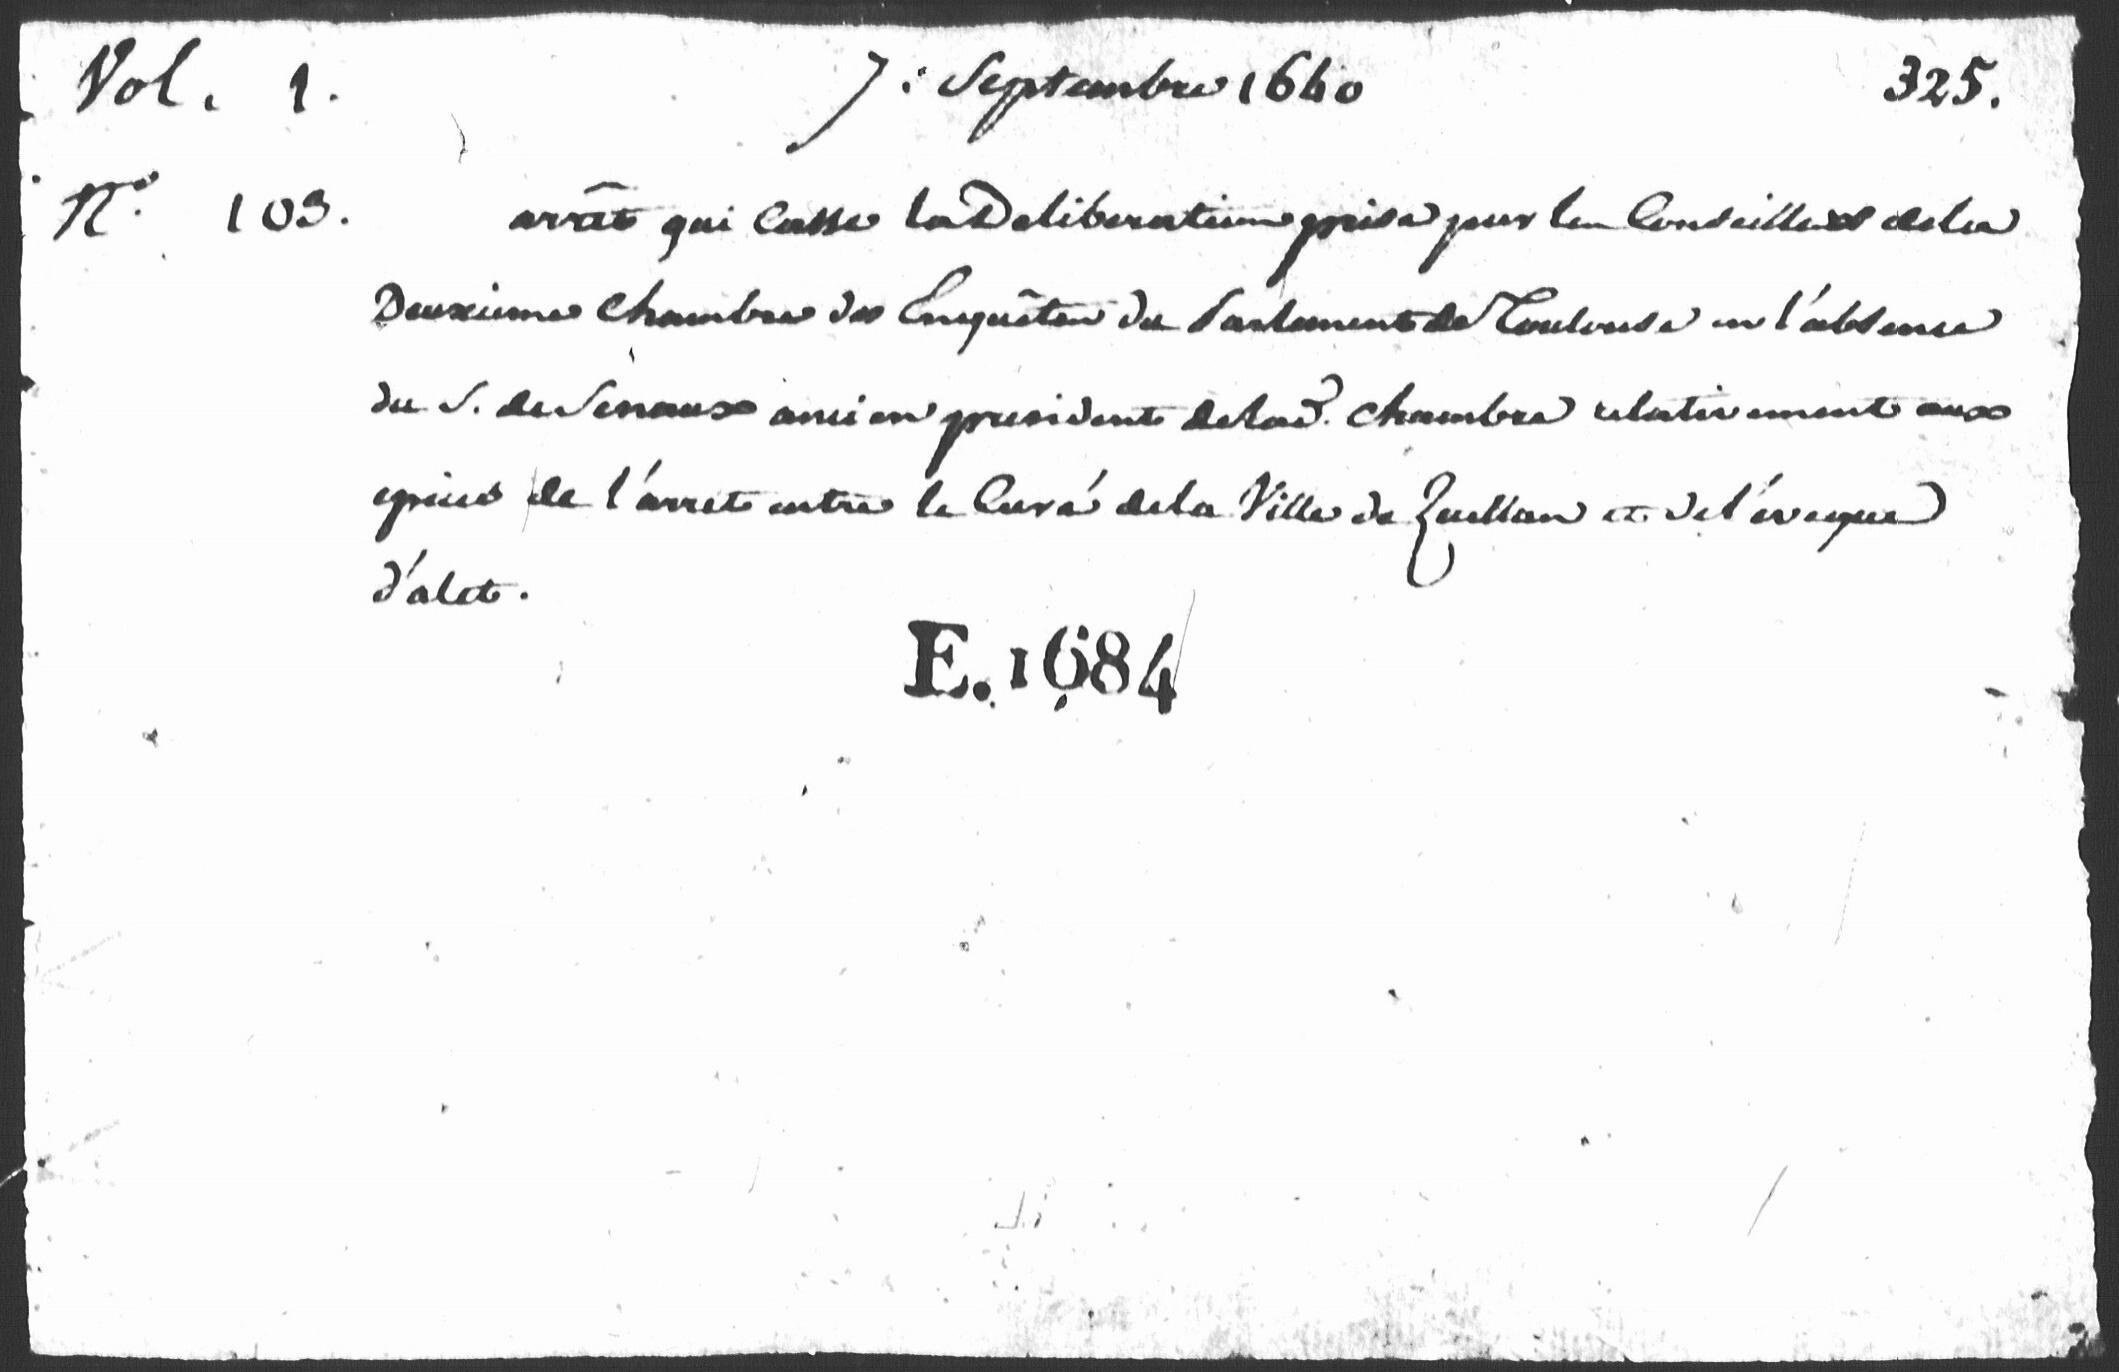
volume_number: n°103
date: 7 septembre 1640
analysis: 325.
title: arrêt qui casse la deliberation prise par les conseillers de la deuxieme chambre des Enquêtes du Parlement de Toulouse en l'absence du S. de Senaux ancien president delad. chambre relativement aux epices de l'arret entre le Curé de la ville de Quillan et de l'eveque d'Alet.
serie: E
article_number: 1684
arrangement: vol. 1
